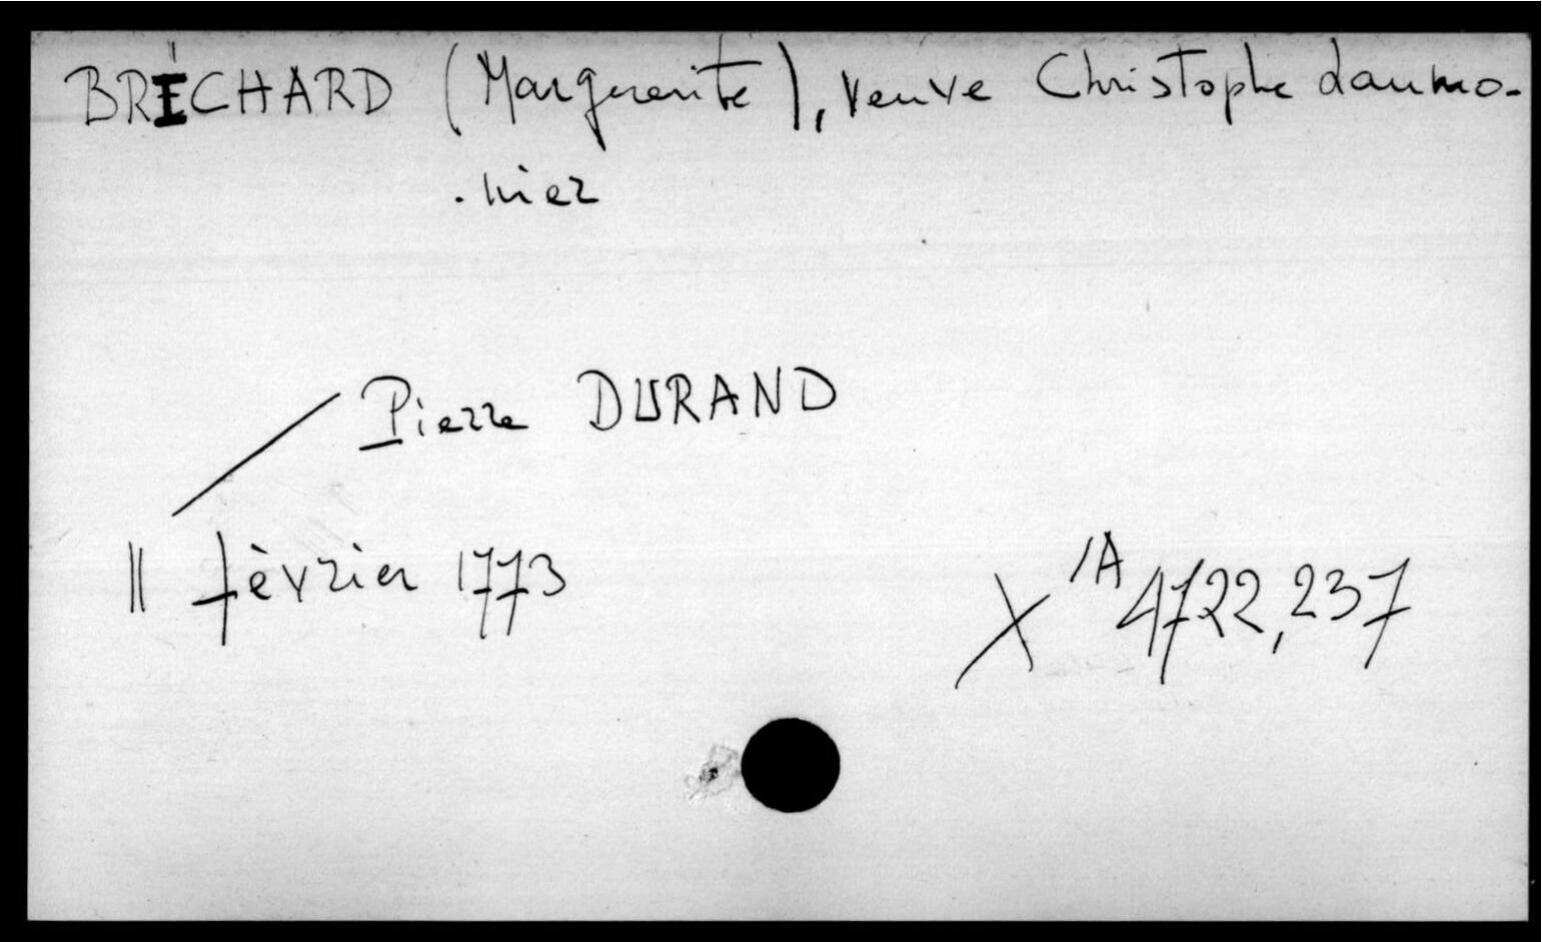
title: BRICHARD (Marguerite), Veuve Christophe Daumonier
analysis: Contre Pierre DURAND
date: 11 février 1773
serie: X1A
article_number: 4722
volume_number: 237
